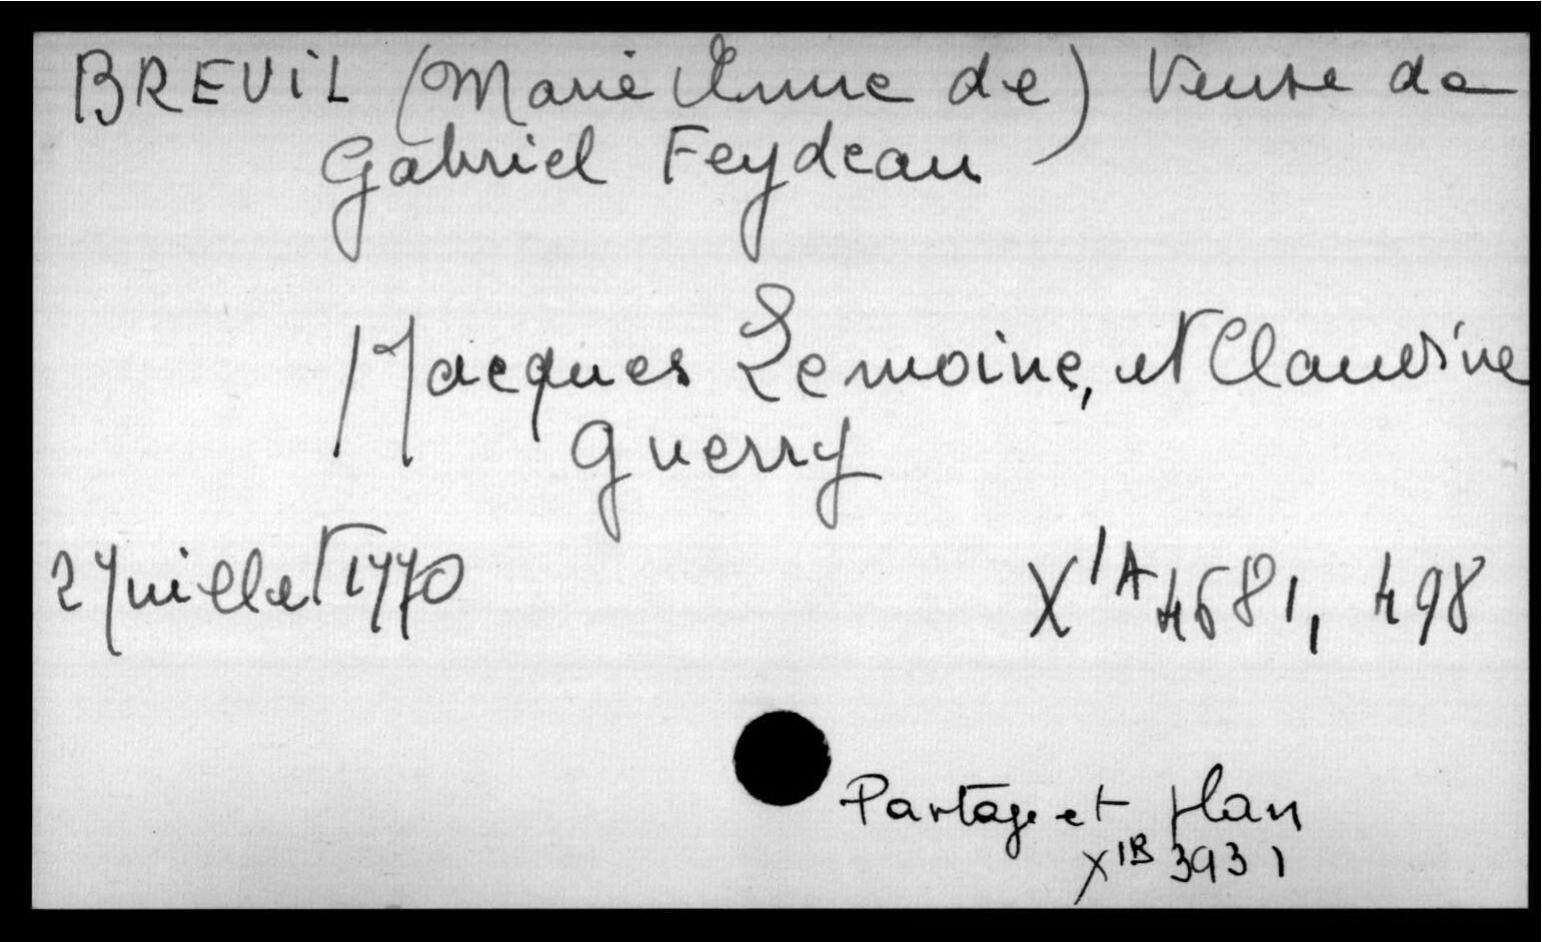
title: BREUIL (Marie Anne de) veuve de Gabriel Feydeau
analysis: Contre Jacques Lemoine, et Claudrine Guerry
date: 2 juillet 1770
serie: X1A
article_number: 4681
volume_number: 498
